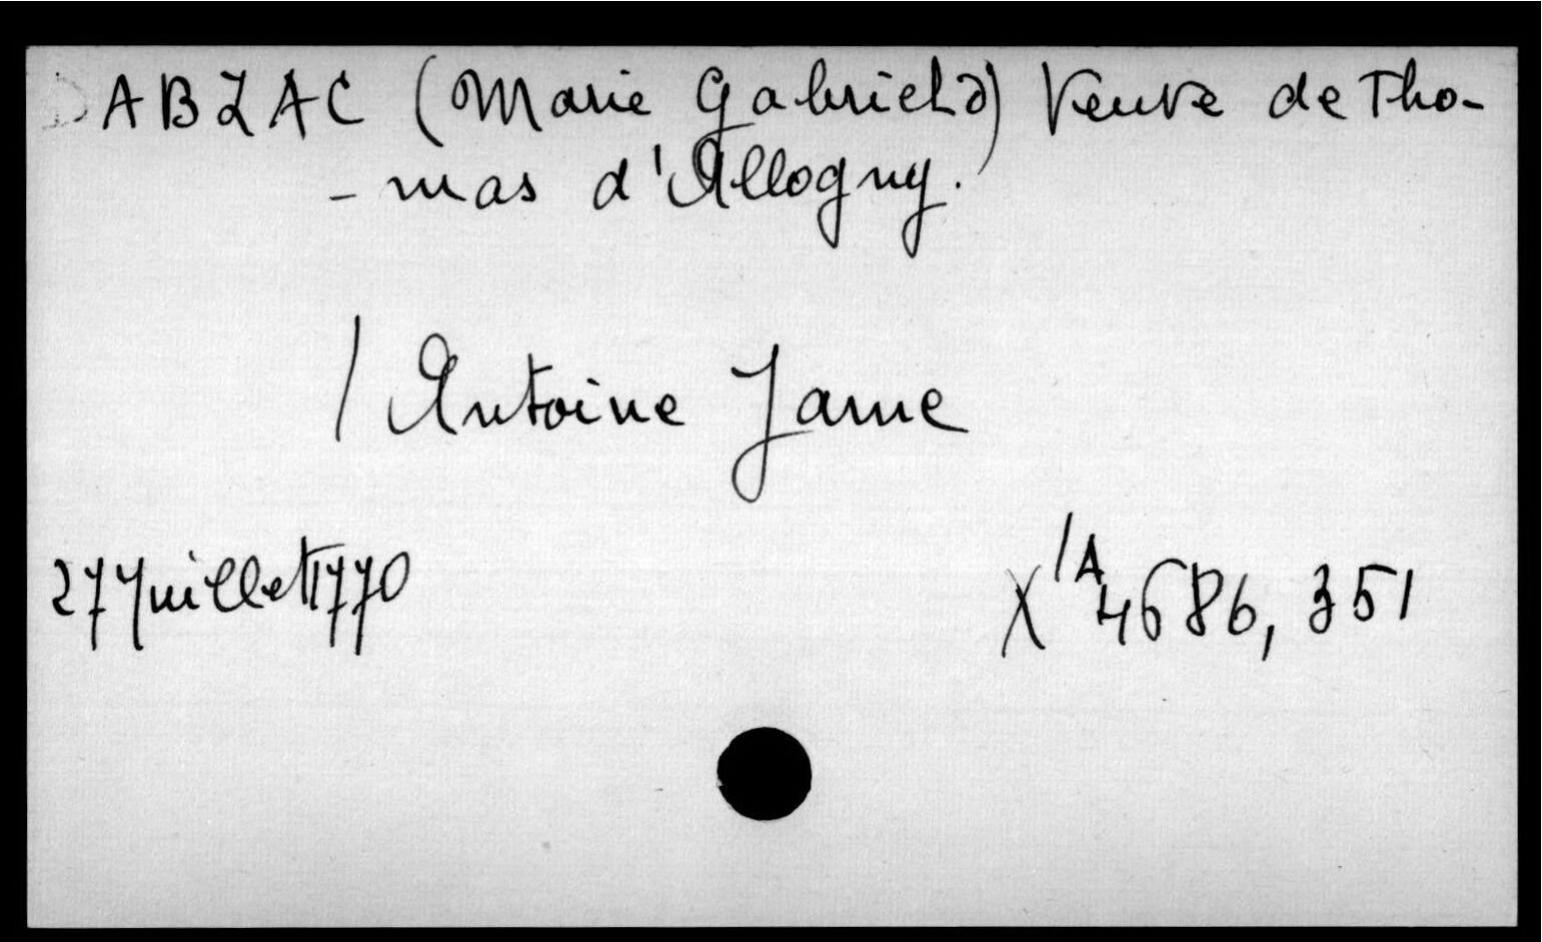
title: ABLAC (Marie Gabriel d') Veuve de Thomas d'Allogny
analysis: Contre Antoine Jame
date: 27 juillet 1770
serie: X1A
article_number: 4686
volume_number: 351
